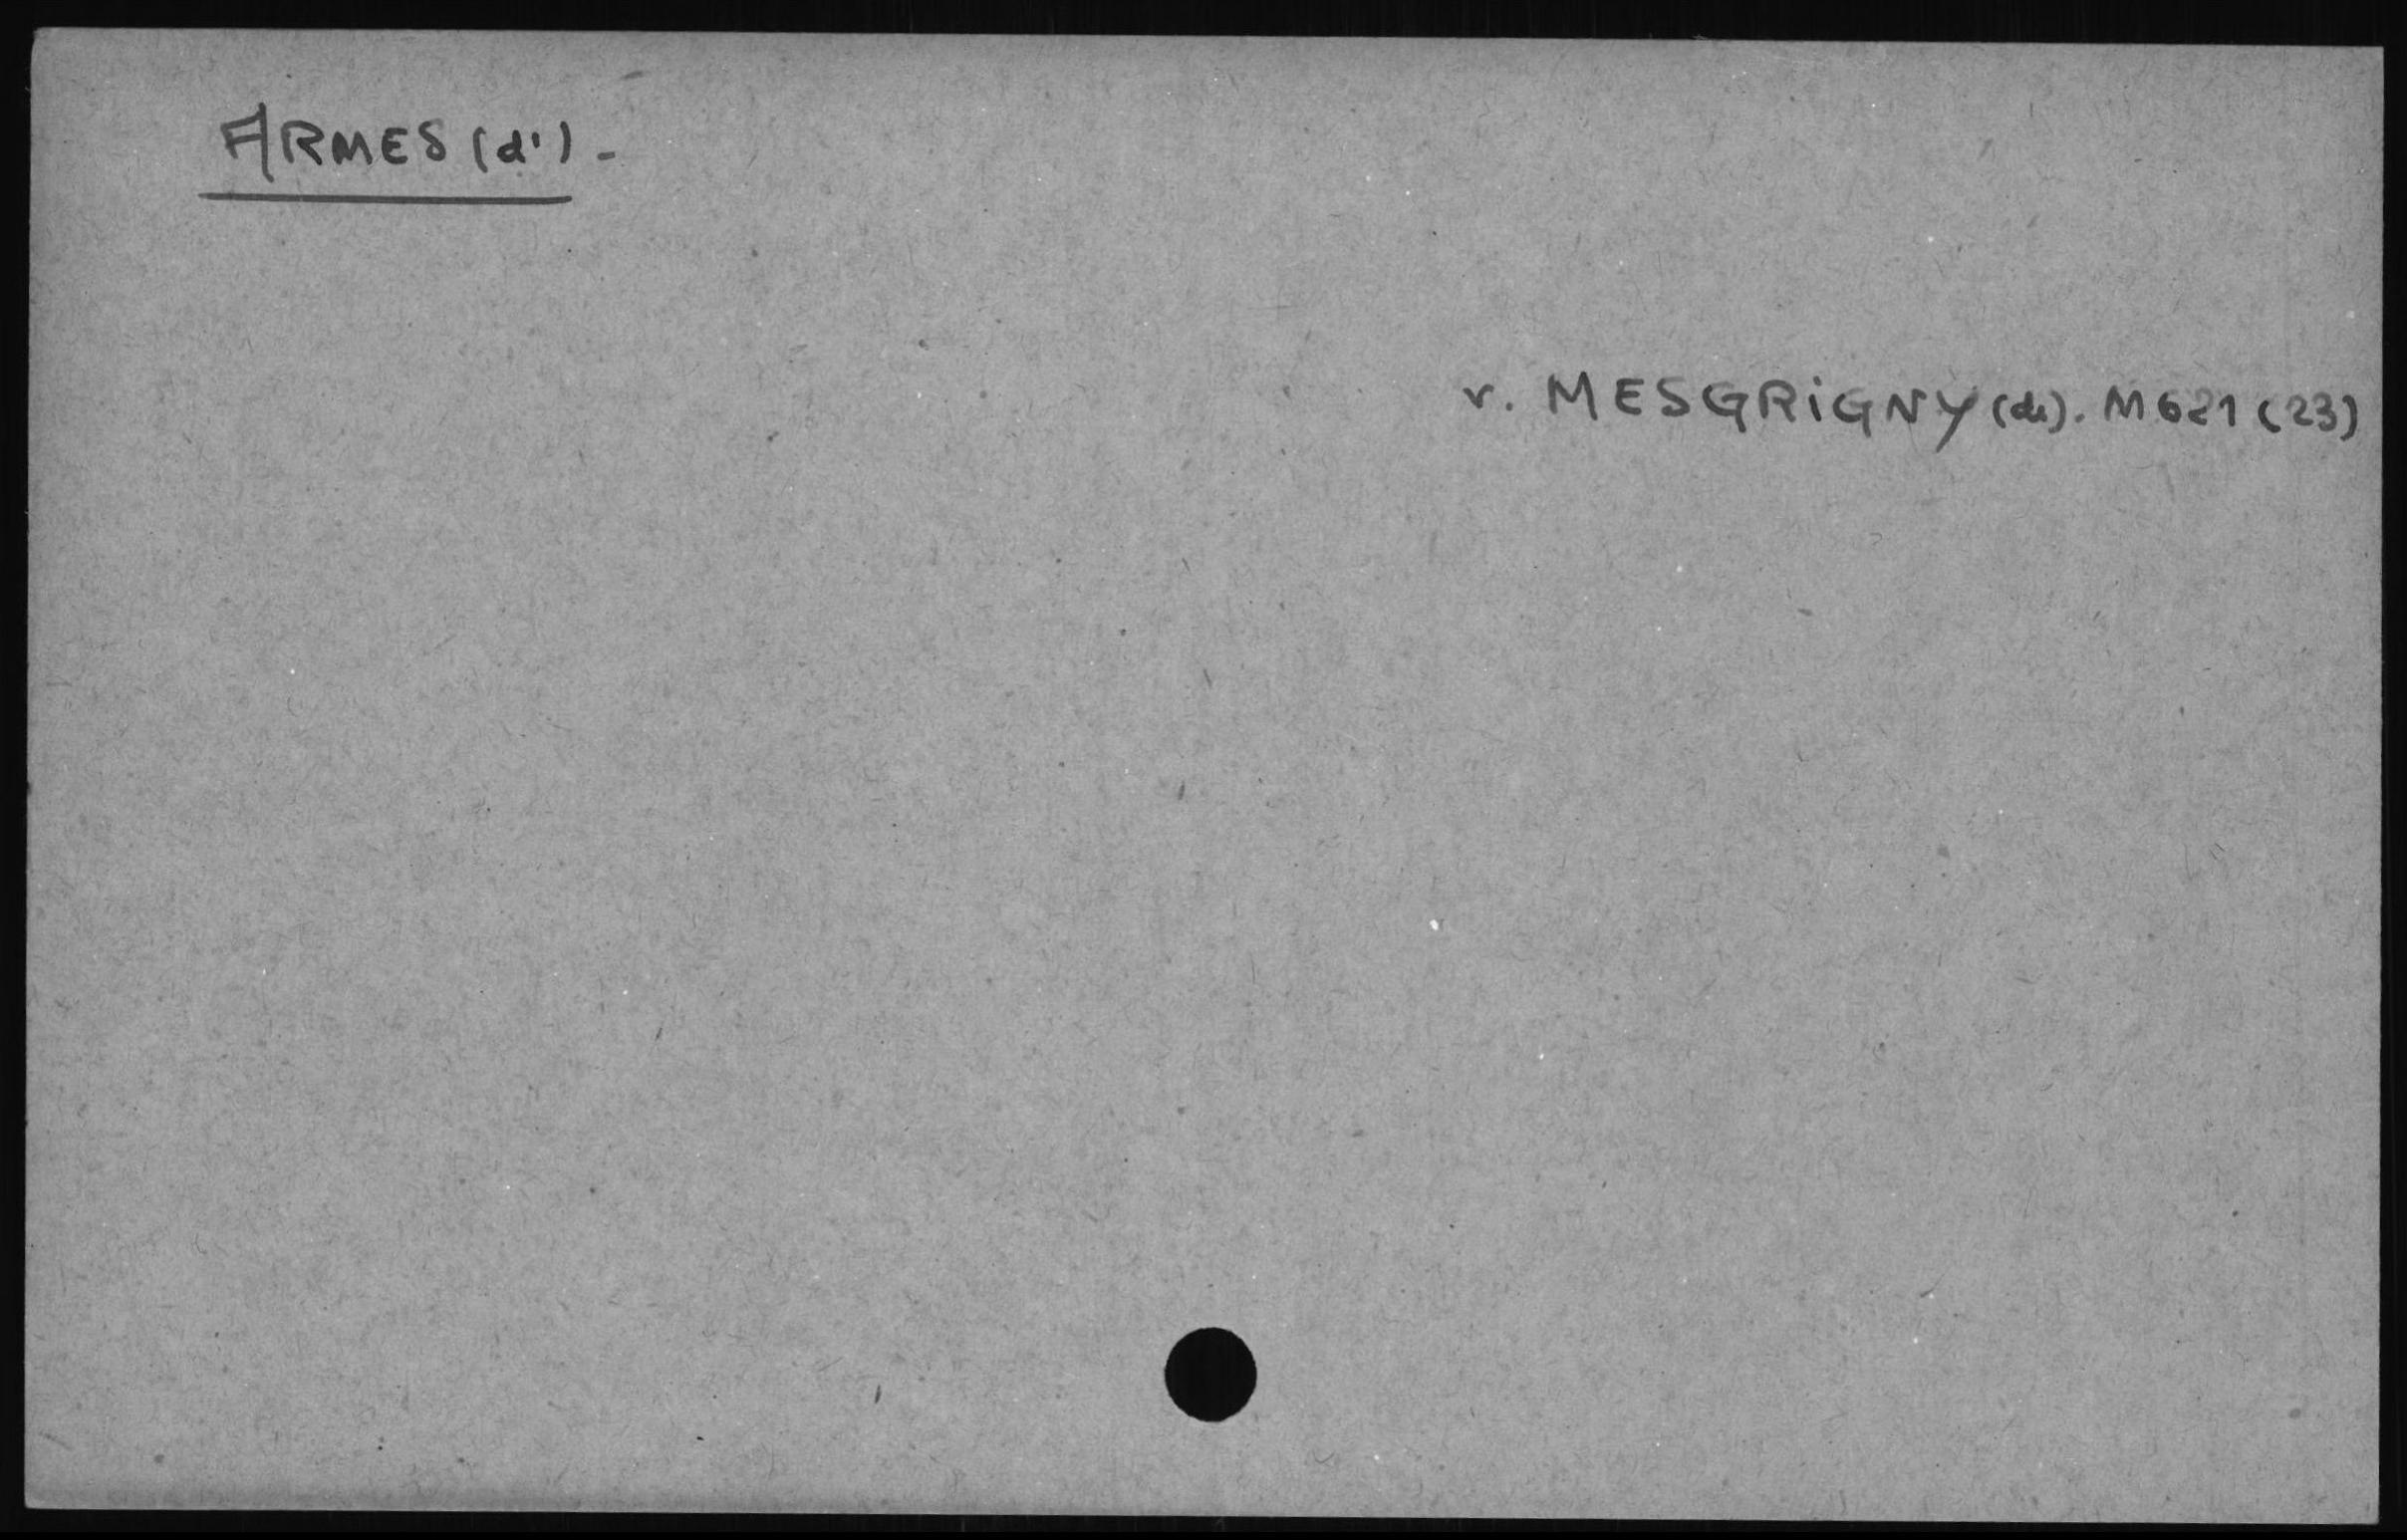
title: ARMES (d')
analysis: voir MESGRIGNY (de).
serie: M
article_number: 621
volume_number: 23
